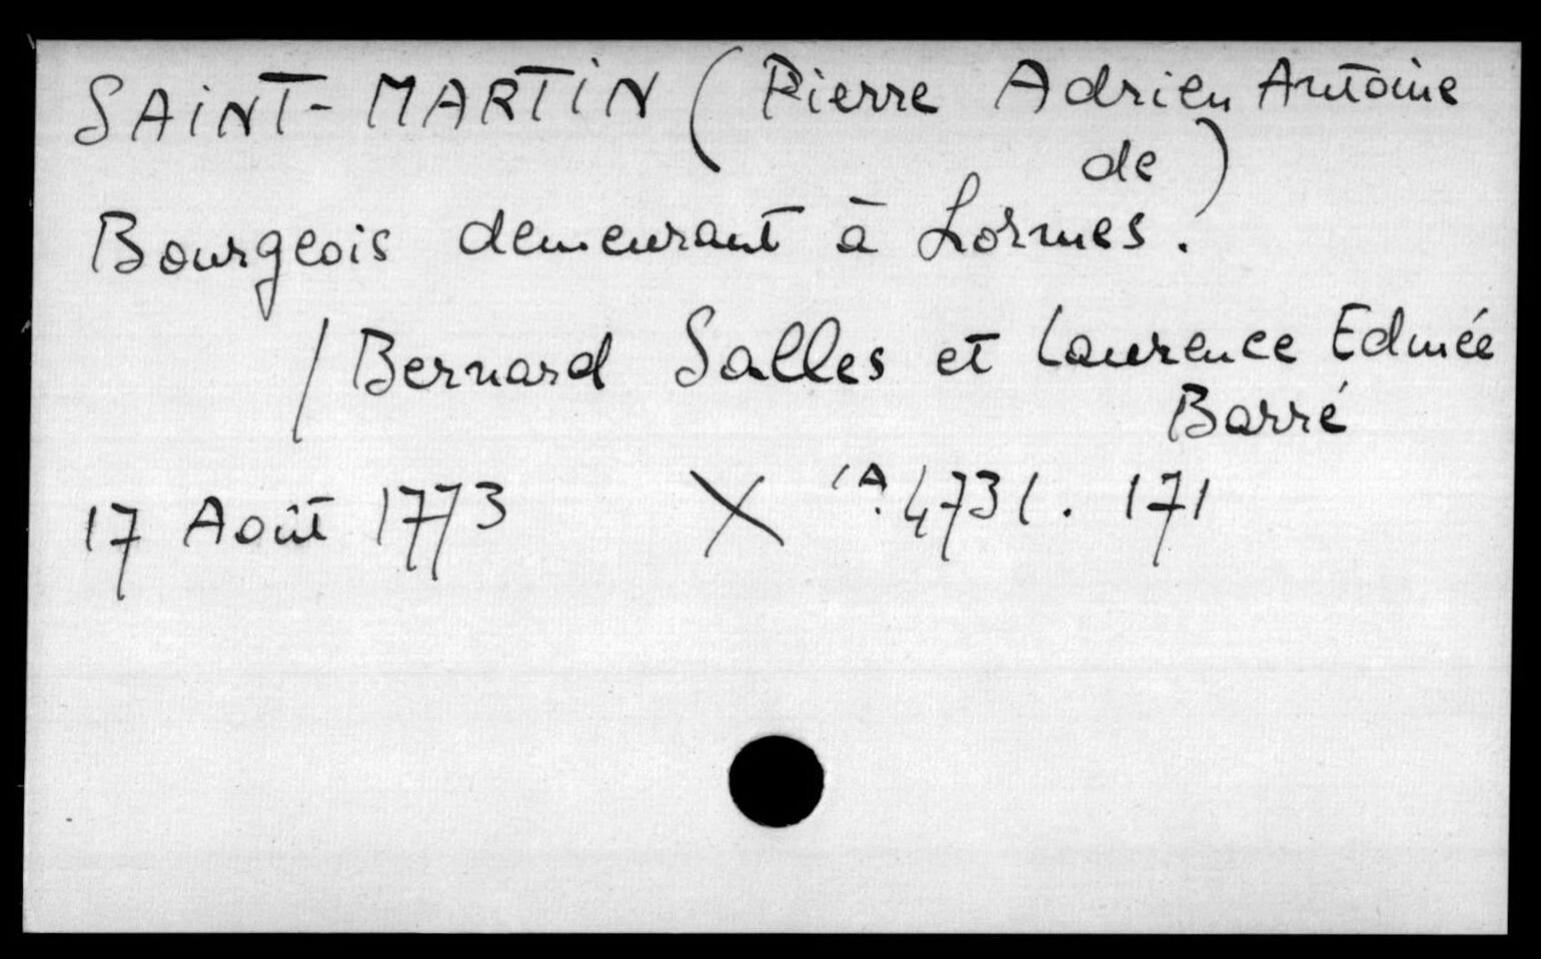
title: SAINT-MARTIN (Pierre Adrien Antoine de) Bourgeois demeurant à Lormes.
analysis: Contre Bernard Salles et Laurence Edmée Barré
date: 17 août 1773
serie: X1A
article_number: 4731
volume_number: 171
